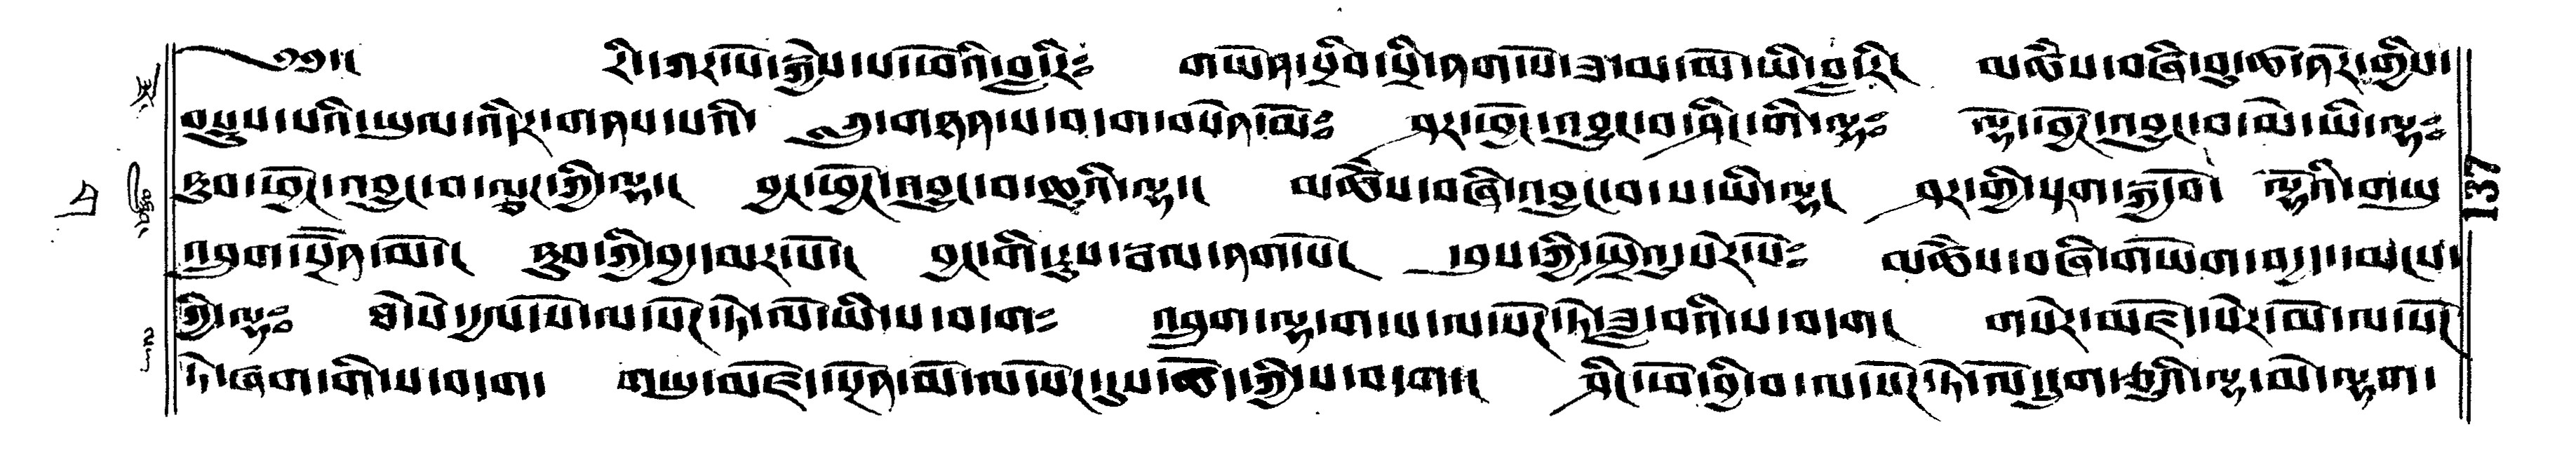རི་དཀར་པོ་སྐྱེས་པ་ཕོ་ཡྀ་བླ་རི༔ གཡོན་སྲིབས་རི་ནག་པོ་ཟ་མ་མོ་ཡི་བླ་རི། མཚམས་བཞི་བུ་ཚ་ནོར་གྱིས་
བསྡུས་པའི་ཡུལ་འདིར་གནས་པའི། ཀླུ་གཉན་ས་བདག་བསེན་མོ། ཤར་ཕྱོགས་འབྱུང་བ་ཤིང་གི་ལྷ། ལྷོ་ཕྱོགས་འབྱུང་བ་མེ་ཡི་ལྷ༔ 
ནུབ་ཕྱོགས་འབྱུང་བ་ལྕགས་ཀྱི་ལྷ། བྱང་ཕྱོགས་འབྱུང་བ་ཆུ་ཡི་ལྷ། མཚམས་བཞི་འབྱུང་བ་ས་ཡི་ལྷ། ཤར་གྱི་སྟག་སྐྱ་བོ། ལྷོའི་གཡུ་
འབྲུག་སྔོན་མོ། ནུབ་ཀྱི་བྱ་དམར་པོ། བྱང་གི་རུས་སྦལ་ནག་པོ། དབུས་ཀྱི་སྤྲེའུ་སེར་པོ། མཚམས་བཞི་གཡོག་བརྒྱད་དམངས་
ཀྱི་ལྷ། ཐེ་སེ་རྒྱལ་པོ་ལ་སོགས་ཏེ་ལོ་ཡི་ས་བདག འབྲུག་ལྷ་གྭ་པ་ལ་སོགས་ཏེ་ཟླ་བའི་ས་བདག གསེར་མཛོད་སེར་མོ་ལ་སོགས་
ཏེ་ཞག་གི་ས་བདག གཡུ་མཛོད་སྔོན་མོ་ལ་སོགས་དུས་ཚོད་ཀྱི་ས་བདག ཤིང་ཕོ་བྱི་བ་ལ་སོགས་ཏེ་ལོ་དྲུག་ཅུའི་ལྷ་མོ།ལྷག་